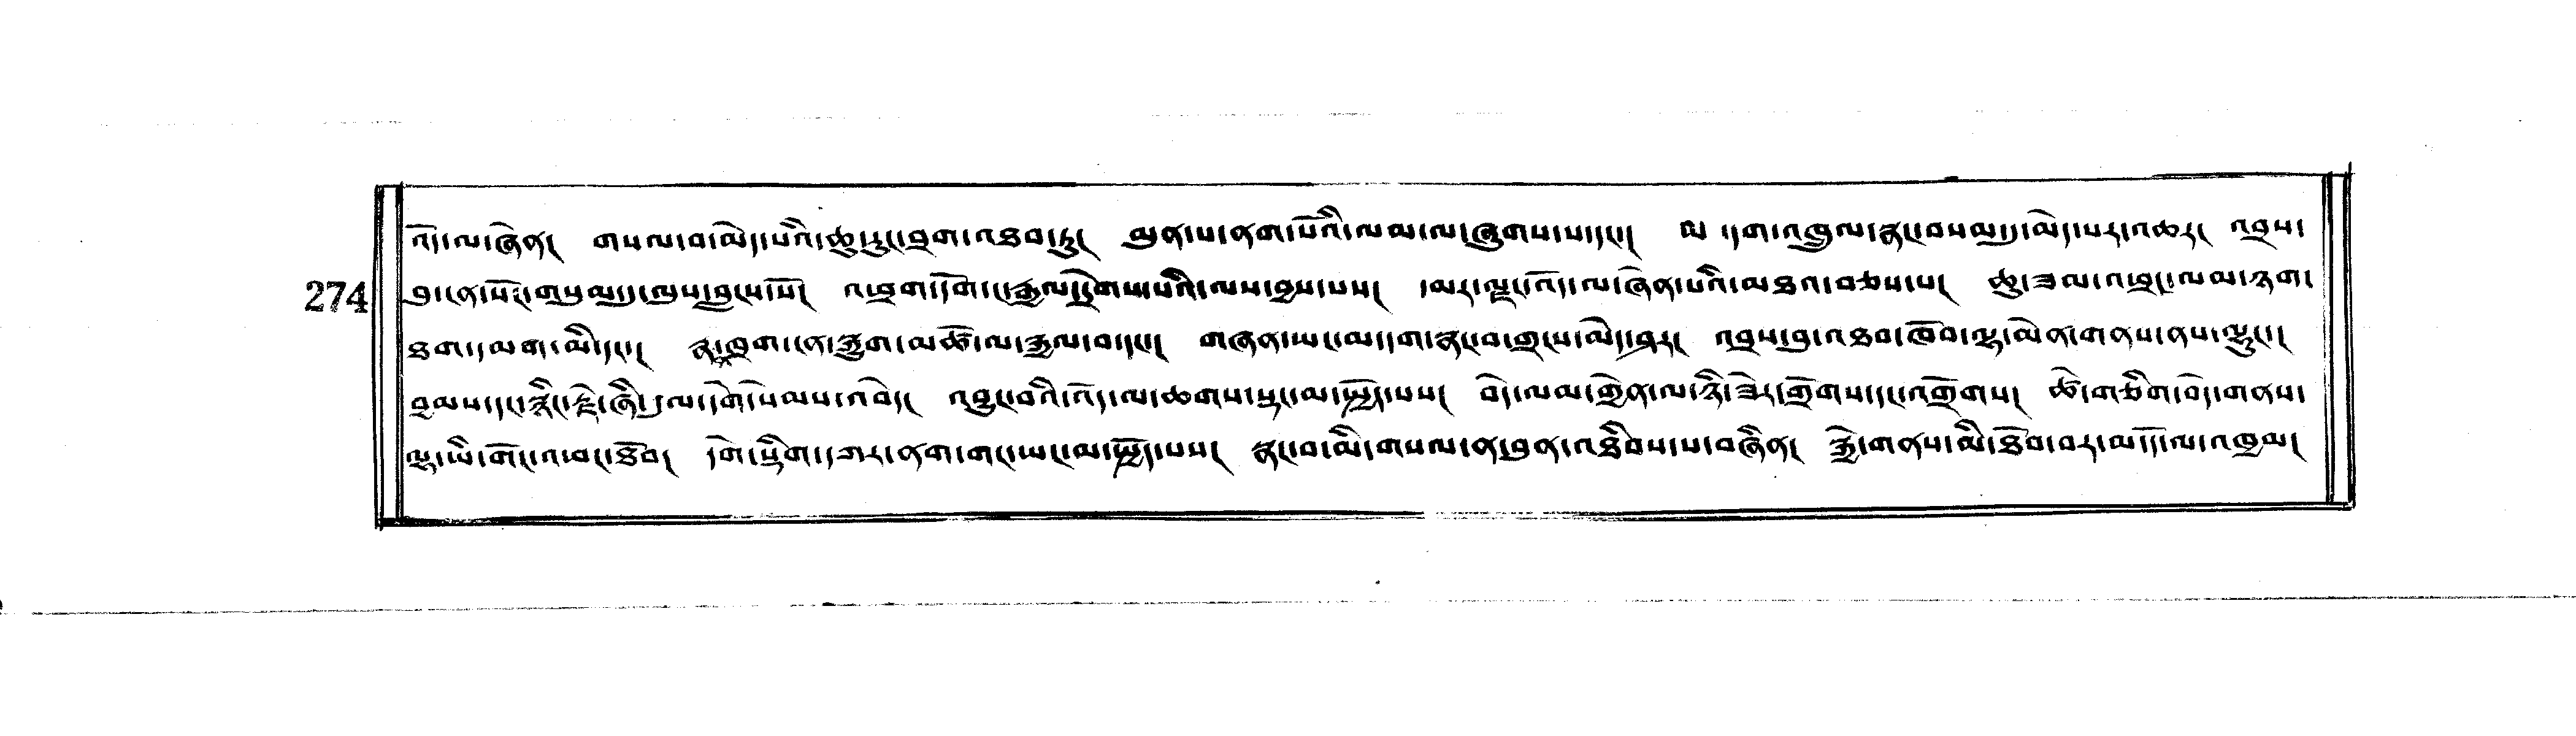འོད་ལ་ཞེན། གསལ་བ་མེད་པའི་ཆུ་རུང་བྲག་འཐབ་ཏུ། མུན་པ་ནག་པོའི་ལམ་ལ་ཞུགས་པ་དང་། མ་དག་འཁྲུལ་སྣང་བསམ་དུ་མེད་པར་འཆར། འབྲས་
བུ་ངན་སོང་གསུམ་དུ་ལུས་བླངས་སོ། ཕྲག་དོག་ང་རྒྱལ་དྲེགས་པའི་ལས་བྱས་པས། དམར་ལྗང་འོད་ལ་ཞེན་པའི་མཐའ་བཅས་པས། ཆུ་ཟམ་འཕྲང་ལམ་ཉག་
ཐག་དམག་མི་དང་། རྣག་ཁྲག་ངན་སྐྱུག་མཚོ་ལ་སྐྱལ་བ་དང་། གཞན་ཡང་མ་དག་སྣང་བ་གྲངས་མེད་ཤར། འབྲས་བུ་མཐའ་འཁོབ་ལྷ་མེན་གནས་ནས་ལྟུང་། 
བྱམས་དང་སྙིང་རྗེ་ཞི་དུལ་དགེ་སེམས་འབད། འབྱུང་བའི་འོད་ལ་ཆགས་སྡང་མ་སྤྱོད་པས། བདེ་ལམ་གྱེན་ལ་ཉི་ཟེར་གྲོགས་དང་འགྲོགས། ཚེ་གཅིག་བདེ་གནས་
ལྷ་ཡི་གོ་འཕང་འཐོབ། དགེ་སྡིག་དཀར་ནག་གང་ཡང་མ་སྤྱོད་པས། སྣང་བ་མི་གསལ་ན་བུན་འཐིབས་པ་བཞིན། སྐྱེ་གནས་མི་ཐོབ་བར་མ་དོ་ལ་འཁྱམས།